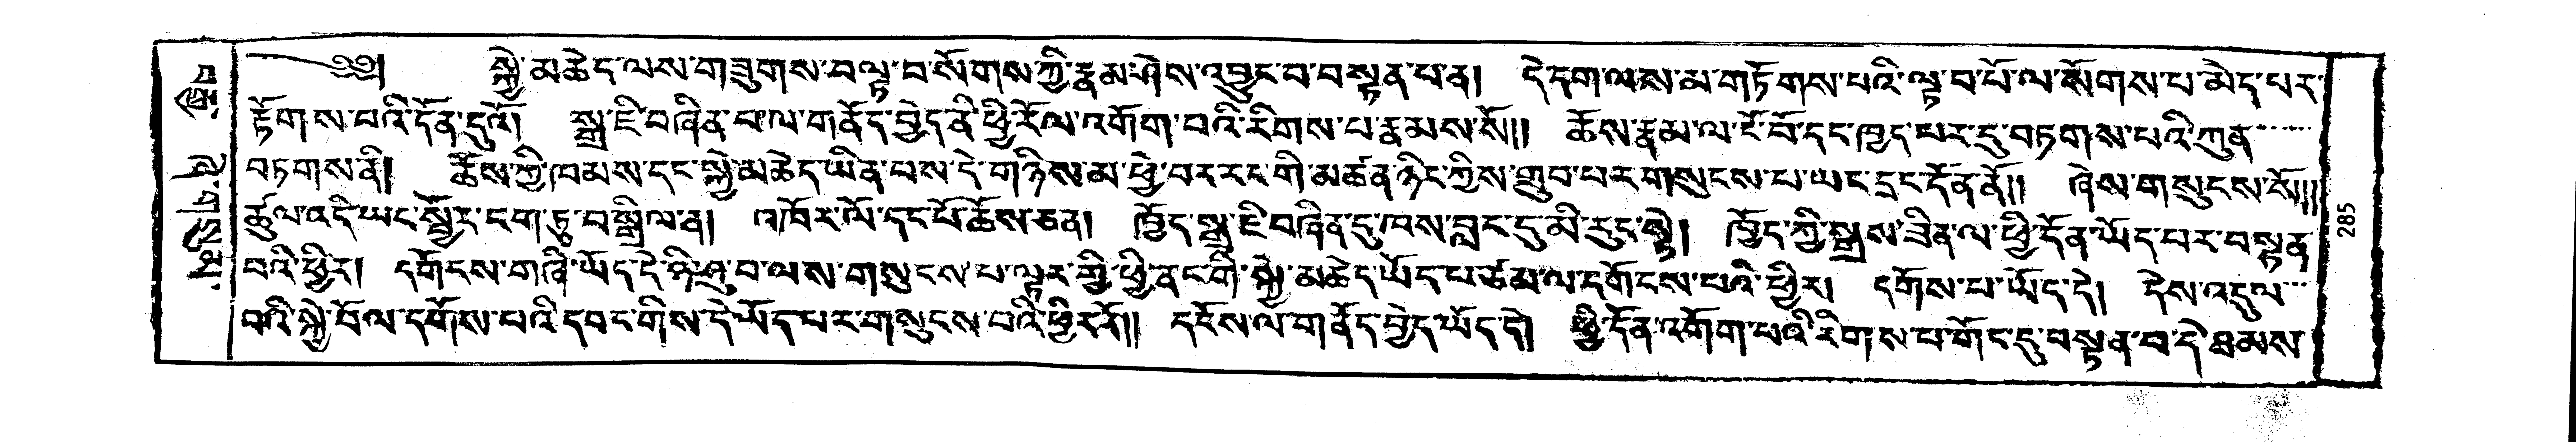༄༅། །སྐྱེ་མཆེད་ལས་གཟུགས་བལྟ་བ་སོགས་ཀྱི་རྣམ་ཤེས་འབྱུང་བ་བསྟན་པ་ན། དེ་དག་ལས་མ་གཏོགས་པའི་ལྟ་བ་པོ་ལ་སོགས་པ་མེད་པར་
རྟོགས་པའི་དོན་དུའོ། སྒྲ་ཇི་བཞིན་པ་ལ་གནོད་བྱེད་ནི་ཕྱི་རོལ་འགོག་པའི་རིགས་པ་རྣམས་སོ། །ཆོས་རྣམ་ལ་ངོ་བོ་དང་ཁྱད་པར་དུ་བཏགས་པའི་ཀུན་
བཏགས་ནི། །ཆོས་ཀྱི་ཁམས་དང་སྐྱེ་མཆེད་ཡིན་པས་དེ་གཉིས་མ་ཕྱེ་བར་རང་གི་མཚན་ཉིད་ཀྱིས་གྲུབ་པར་གསུངས་པ་ཡང་དྲང་དོན་ནོ། །ཞེས་གསུངས་སོ། །
ཚུལ་འདི་ཡང་སྦྱོར་ངག་ཏུ་བསྒྲིལ་ན། འཁོར་ལོ་དང་པོ་ཆོས་ཅན། ཁྱོད་སྒྲ་ཇི་བཞིན་དུ་ཁས་བླང་དུ་མི་རུང་སྟེ། ཁྱོད་ཀྱི་སྒྲས་ཟིན་ལ་ཕྱི་དོན་ཡོད་པར་བསྟན་
པའི་ཕྱིར། དགོངས་གཞི་ཡོད་དེ་ཉི་ཤུ་བ་ལས་གསུངས་པ་ལྟར་གྱི་ཕྱི་ནང་གི་སྐྱེ་མཆེད་ཡོད་པ་ཙམ་ལ་དགོངས་པའི་ཕྱིར། དགོས་པ་ཡོད་དེ། དེས་འདུལ་
པའི་སྐྱེ་བོལ་དགོས་པའི་དབང་གིས་དེ་ཡོད་པར་གསུངས་པའི་ཕྱིར་རོ། །དངོས་ལ་གནོད་བྱེད་ཡོད་དེ། ཕྱི་དོན་འགོག་པའི་རིགས་པ་གོང་དུ་བསྟན་པ་དེ་ཐམས་